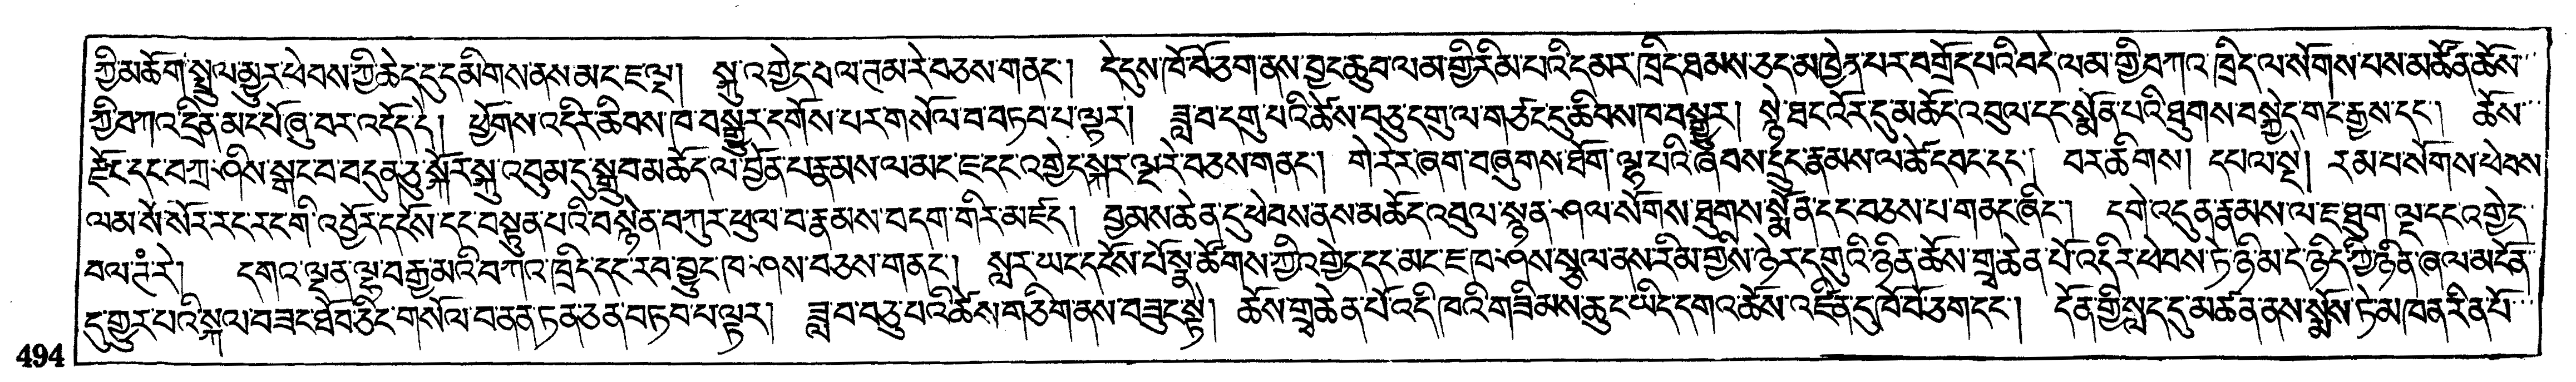ཀྱི་མཆོག་སྤྲུལ་མྱུར་ཕེབས་ཀྱི་ཆེད་དུ་དམིགས་ནས་མང་ཇ་ལྔ། སྐུ་འགྱེད་བལ་ཊམ་རེ་བཅས་གནང་། དེ་དུས་ཁོ་བོ་ཅག་ནས་བྱང་ཆུབ་ལམ་གྱི་རིམ་པའི་དམར་ཁྲིད་ཐམས་ཅད་མཁྱེན་པར་བགྲོད་པའི་བདེ་ལམ་གྱི་བཀའ་ཁྲིད་ལ་སོགས་པས་མཚོན་ཆོས་
ཀྱི་བཀའ་དྲིན་མང་པོ་ཞུ་བར་འདོད་དེ། ཕྱོགས་འདིར་ཆིབས་ཁ་བསྒྱུར་དགོས་པར་གསོལ་བ་བཏབ་པ་ལྟར། ཟླ་བ་དགུ་པའི་ཚེས་བཅུ་དགུ་ལ་གཙང་དུ་ཆིབས་ཁ་བསྒྱུར། སྙེ་ཐང་འོར་དུ་མཆོད་འབུལ་དང་སྨོན་པའི་ཐུགས་བསྐྱེད་གང་རྒྱས་དང་། ཆོས་
རྫོང་དང་བཀྲ་ཤིས་སྒང་པ་བདུན་ཅུ་སྐོར་སྐུ་འབུམ་དུ་སྒྲུབ་མཆོད་ལ་བྱོན་པ་རྣམས་ལ་མང་ཇ་དང་འགྱེད་སྐར་ལྔ་རེ་བཅས་གནང་། གེ་རེར་ཞག་བཞུགས་ཐོག་ལྷ་པའི་ཞབས་དྲུང་རྣམས་ལ་ཚེ་དབང་དང་། བར་ཚིགས། དཔལ་སྡེ། རམ་པ་སོགས་ཕེབས་
ལམ་སོ་སོར་རང་རང་གི་འབྱོར་དངོས་དང་བསྟུན་པའི་བསྙེན་བཀུར་ཕུལ་བ་རྣམས་བདག་གིར་མཛད། བྱམས་ཆེན་དུ་ཕེབས་ནས་མཆོད་འབུལ་སྙན་ཤལ་སོགས་ཐུགས་སྨོན་དང་བཅས་པ་གནང་ཞིང་། དགེ་འདུན་རྣམས་ལ་ཇ་ཐུག་ལྔ་དང་འགྱེད་
བལ་ཊཾ་རེ། དགའ་ལྡན་ལྷ་བརྒྱ་མའི་བཀའ་ཁྲིད་དང་རབ་བྱུང་ཁ་ཤས་བཅས་གནང་། སླར་ཡང་དངོས་པོ་སྣ་ཚོགས་ཀྱི་འགྱེད་དང་མང་ཇ་ཁ་ཤས་སྩལ་ནས་རིམ་གྱིས་ཉེར་དགུའི་ཉིན་ཆོས་གྲྭ་ཆེན་པོ་འདིར་ཕེབས་ཏེ་ཉི་མ་དེ་ཉིད་ཀྱི་ཉིན་ཞལ་མངོན་
དུ་གྱུར་པའི་སྐལ་བཟང་ཐོབ་ཅིང་གསོལ་བ་ནན་ཏན་ཅན་བཏབ་པ་ལྟར། ཟླ་བ་བཅུ་པའི་ཚེས་གཅིག་ནས་བཟུང་སྟེ། ཆོས་གྲྭ་ཆེན་པོ་འདི་ཁའི་གཟིམས་ཆུང་ཡིད་དགའ་ཆོས་འཛིན་དུ་ཁོ་བོ་ཅག་དང་། དོན་གྱི་སླད་དུ་མཚན་ནས་སྨོས་ཏེ་མཁན་རིན་པོ་